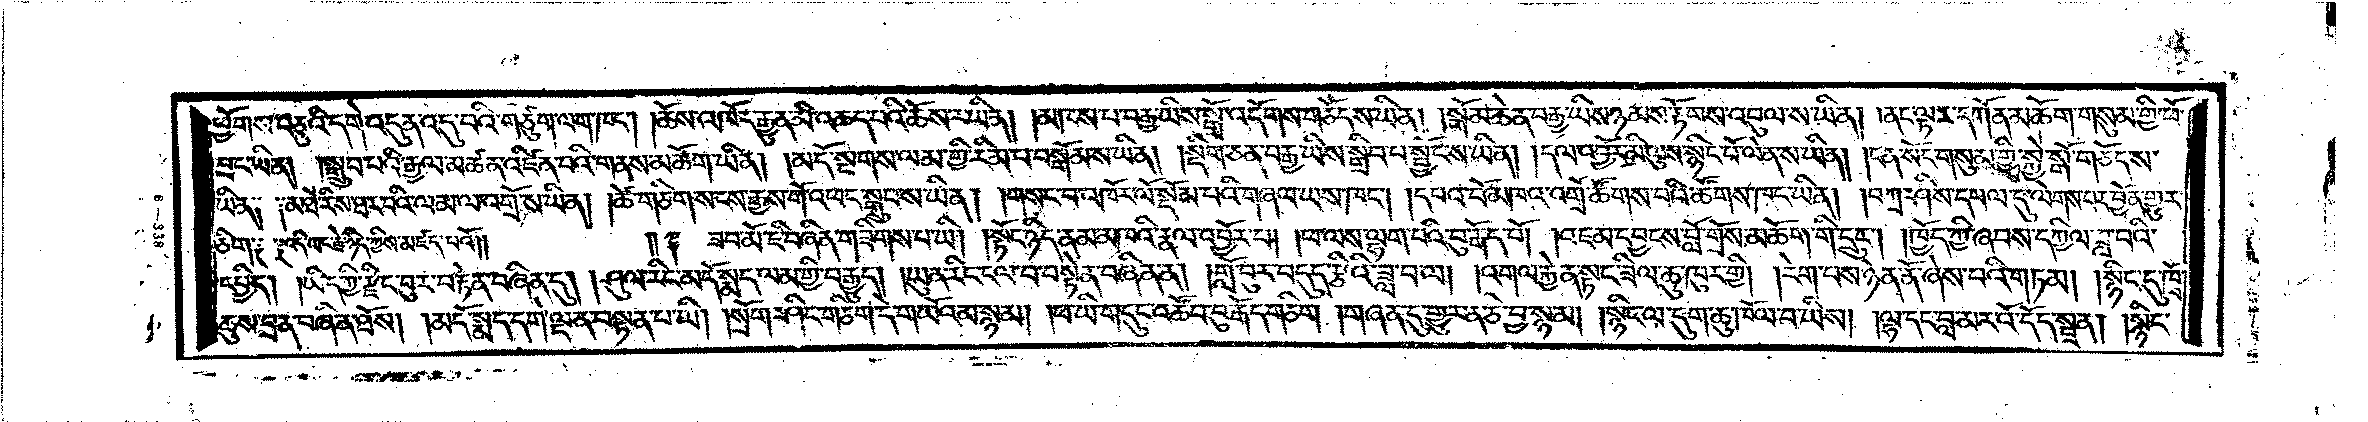ཕྱོགས་བཅུའི་དགེ་འདུན་འདུ་བའི་གཙུག་ལག་ཁང་། །ཆོས་འཁོར་རྒྱུན་མི་འཆད་བའི་ཆོས་ར་ཡིན། །མཁས་པ་བརྒྱ་ཡིས་སྒྲོ་འདོགས་གཅོད་ས་ཡིན། །སྒོམ་ཆེན་བརྒྱ་ཡིས་ཉམས་རྟོགས་འབུལ་ས་ཡིན། །ནང་ལྟར་དཀོན་མཆོག་གསུམ་གྱི་ཕོ་
བྲང་ཡིན། །སྒྲུབ་པའི་རྒྱལ་མཚན་འཛིན་བའི་གནས་མཆོག་ཡིན། །མདོ་སྔགས་ལམ་གྱི་རིམ་པ་བསྒོམས་ཡིན། །སྡིག་ཅན་བརྒྱ་ཡིས་སྒྲིབ་པ་སྦྱོང་ས་ཡིན། །དལ་འབྱོར་མི་ལྕས་སྙིང་པོ་ལེན་ས་ཡིན། །ངན་སོང་གསུམ་གྱི་སྐྱེ་སྒོ་གཅོད་ས་
ཡིན༑ ༑མཐོ་རིས་ཐར་བའི་ལམ་ལ་འགྲོས་ཡིན། །ཚེ་གཅིག་སངས་རྒྱས་གོ་འཕང་སྒྲུབས་ཡིན། །གསང་བ་འཁོར་ལོ་སྡོམ་པའི་གཞལ་ཡས་ཁང་། །དཔའ་པོ་མཁའ་འགྲོ་ཚོགས་པའི་ཚོགས་ཁང་ཡིན། །བཀྲ་ཤིས་དཔལ་དུ་ལེགས་པར་བྱོན་གྱུར་
ཅིག༑ ༑འདི་ལང་རྗེ་ཉིད་ཀྱིས་མཛད་པའོ།།  །། ༈ ཟབ་མོ་ཇི་བཞིན་གཟིགས་པ་ཡི། །སྟོང་ཉིད་ནམ་མཁའི་རྣལ་འབྱོར་པ། །ཕ་ལས་ལྷག་པའི་བུ་རྒོད་པོ། །འཇམ་དབྱངས་བློ་གོས་མཆོག་གི་དྲུང་། །ཁྱོད་ཀྱི་ཞབས་དཀྱིལ་ཟླ་བའི་
འྤྱིད། །ཡིད་ཀྱི་རྫིང་བུར་བརྟེན་བཞིན་དུ། །ཤུལ་རིང་མདོ་སྨད་ལམ་གྱི་བརྒྱུད། །ཡུན་རིང་ངལ་བ་བསྟེན་བཞིན་ན། །གློ་བུར་བདུད་རྩིའི་ཟླ་བ་ལ། །འགལ་རྒྱེན་སྟང་ཟིལ་ཆུ་ཁུར་གྱི། །རེག་པས་ཉེན་ནོ་ཞེས་པའི་གཏམ། །སྙིང་དུ་ཁྭོ་
ཆུས་བྲན་བཞིན་ཐོས། །མདོ་སྨད་དགེ་ལྡན་བསྟན་པ་ཡི། །སྲོག་ཤིང་གཅིག་དེ་གཡོའམ་སྙམ། །ཕ་ཡི་གདུང་འཚོབ་བུ་རྒོད་གཅིག །གཞན་དུ་གྱུར་ན་ཅེ་བྱ་སྙམ། །སྙིང་ལ་དུག་ཆུ་ཁོལ་བ་ཡིས། །ལྷ་དང་བླ་མར་འོ་དོད་སྦྲན། །སྙིང་